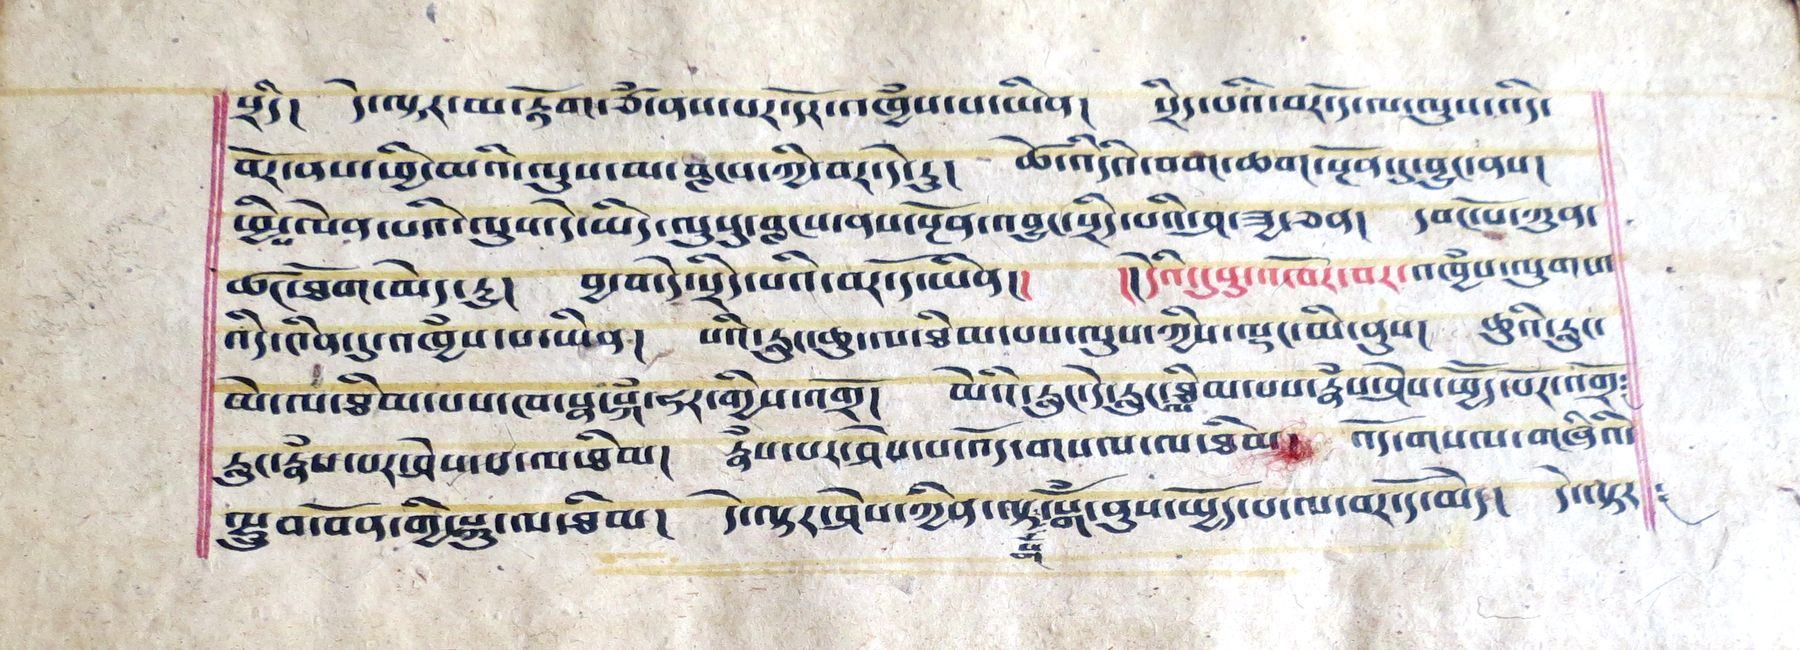སྲིད། དེ་ལྟར་མ་རྟོགས་ཙམ་ནས་བར་དོར་འཁྱམས་པ་ཡིན། སྲིད་པའི་བར་དོ་ལ་ལུས་འདི་
བོར་ནས་ཕྱི་མའི་ལུས་མ་བླངས་ཀྱི་བར་དེ་རུ། ཚེ་འདིའི་བག་ཆགས་སྔོན་དུ་བྱུང་ནས། 
ཕྱིས་ལེན་པའི་ལུས་དེ་ཡིད་ལུས་སུ་བླངས་ནས་སྔོན་འབྱུང་སྲིད་པའི་ཤ་གཟུགས་ཅན། དབང་པོ་ཀུན་
ཚངས་ཐོགས་མེད་རྒྱུ། བྱ་བ་དེ་སྲིད་པའི་བར་དོ་ཡིན། དེའི་དུས་སུ་འཁོར་བར་འཁྱམས་ལུགས་
འདི་བཞིན་དུ་འཁྱམས་པ་ཡིན། སའི་རླུང་ཆུ་ལ་ཐིམས་པས་ལུས་ཀྱིས་ལྡང་མི་ནུས། ཆུའི་རླུང་
མེ་ལ་ཐིམ་པས་ཁ་སྣ་སྐམ་ཧར་གྱིས་འགྲོ། མེའི་རླུང་དེ་རླུང་ལ་ཐིམ་པས་རྣམ་ཤེས་ཕྱོད་ཕྱོད་པོར་འགྲོ། 
རླུང་རྣམ་པར་ཤེས་པ་ལ་ཐིམ། རྣམ་པར་ཤེས་པ་འོད་གསལ་ལ་ཐིམ། འོད་གསལ་གཞིའི་
ལྷུན་གྲུབ་བོན་གྱི་སྐུ་ལ་ཐིམ། དེ་ལྟར་ཤེས་ཀྱིན་ལྟ་སྒོམ་སྒོམ་ནུས་སྤྱོད་པ་ལ་བར་དོ་མེད། དེ་ལྟར་